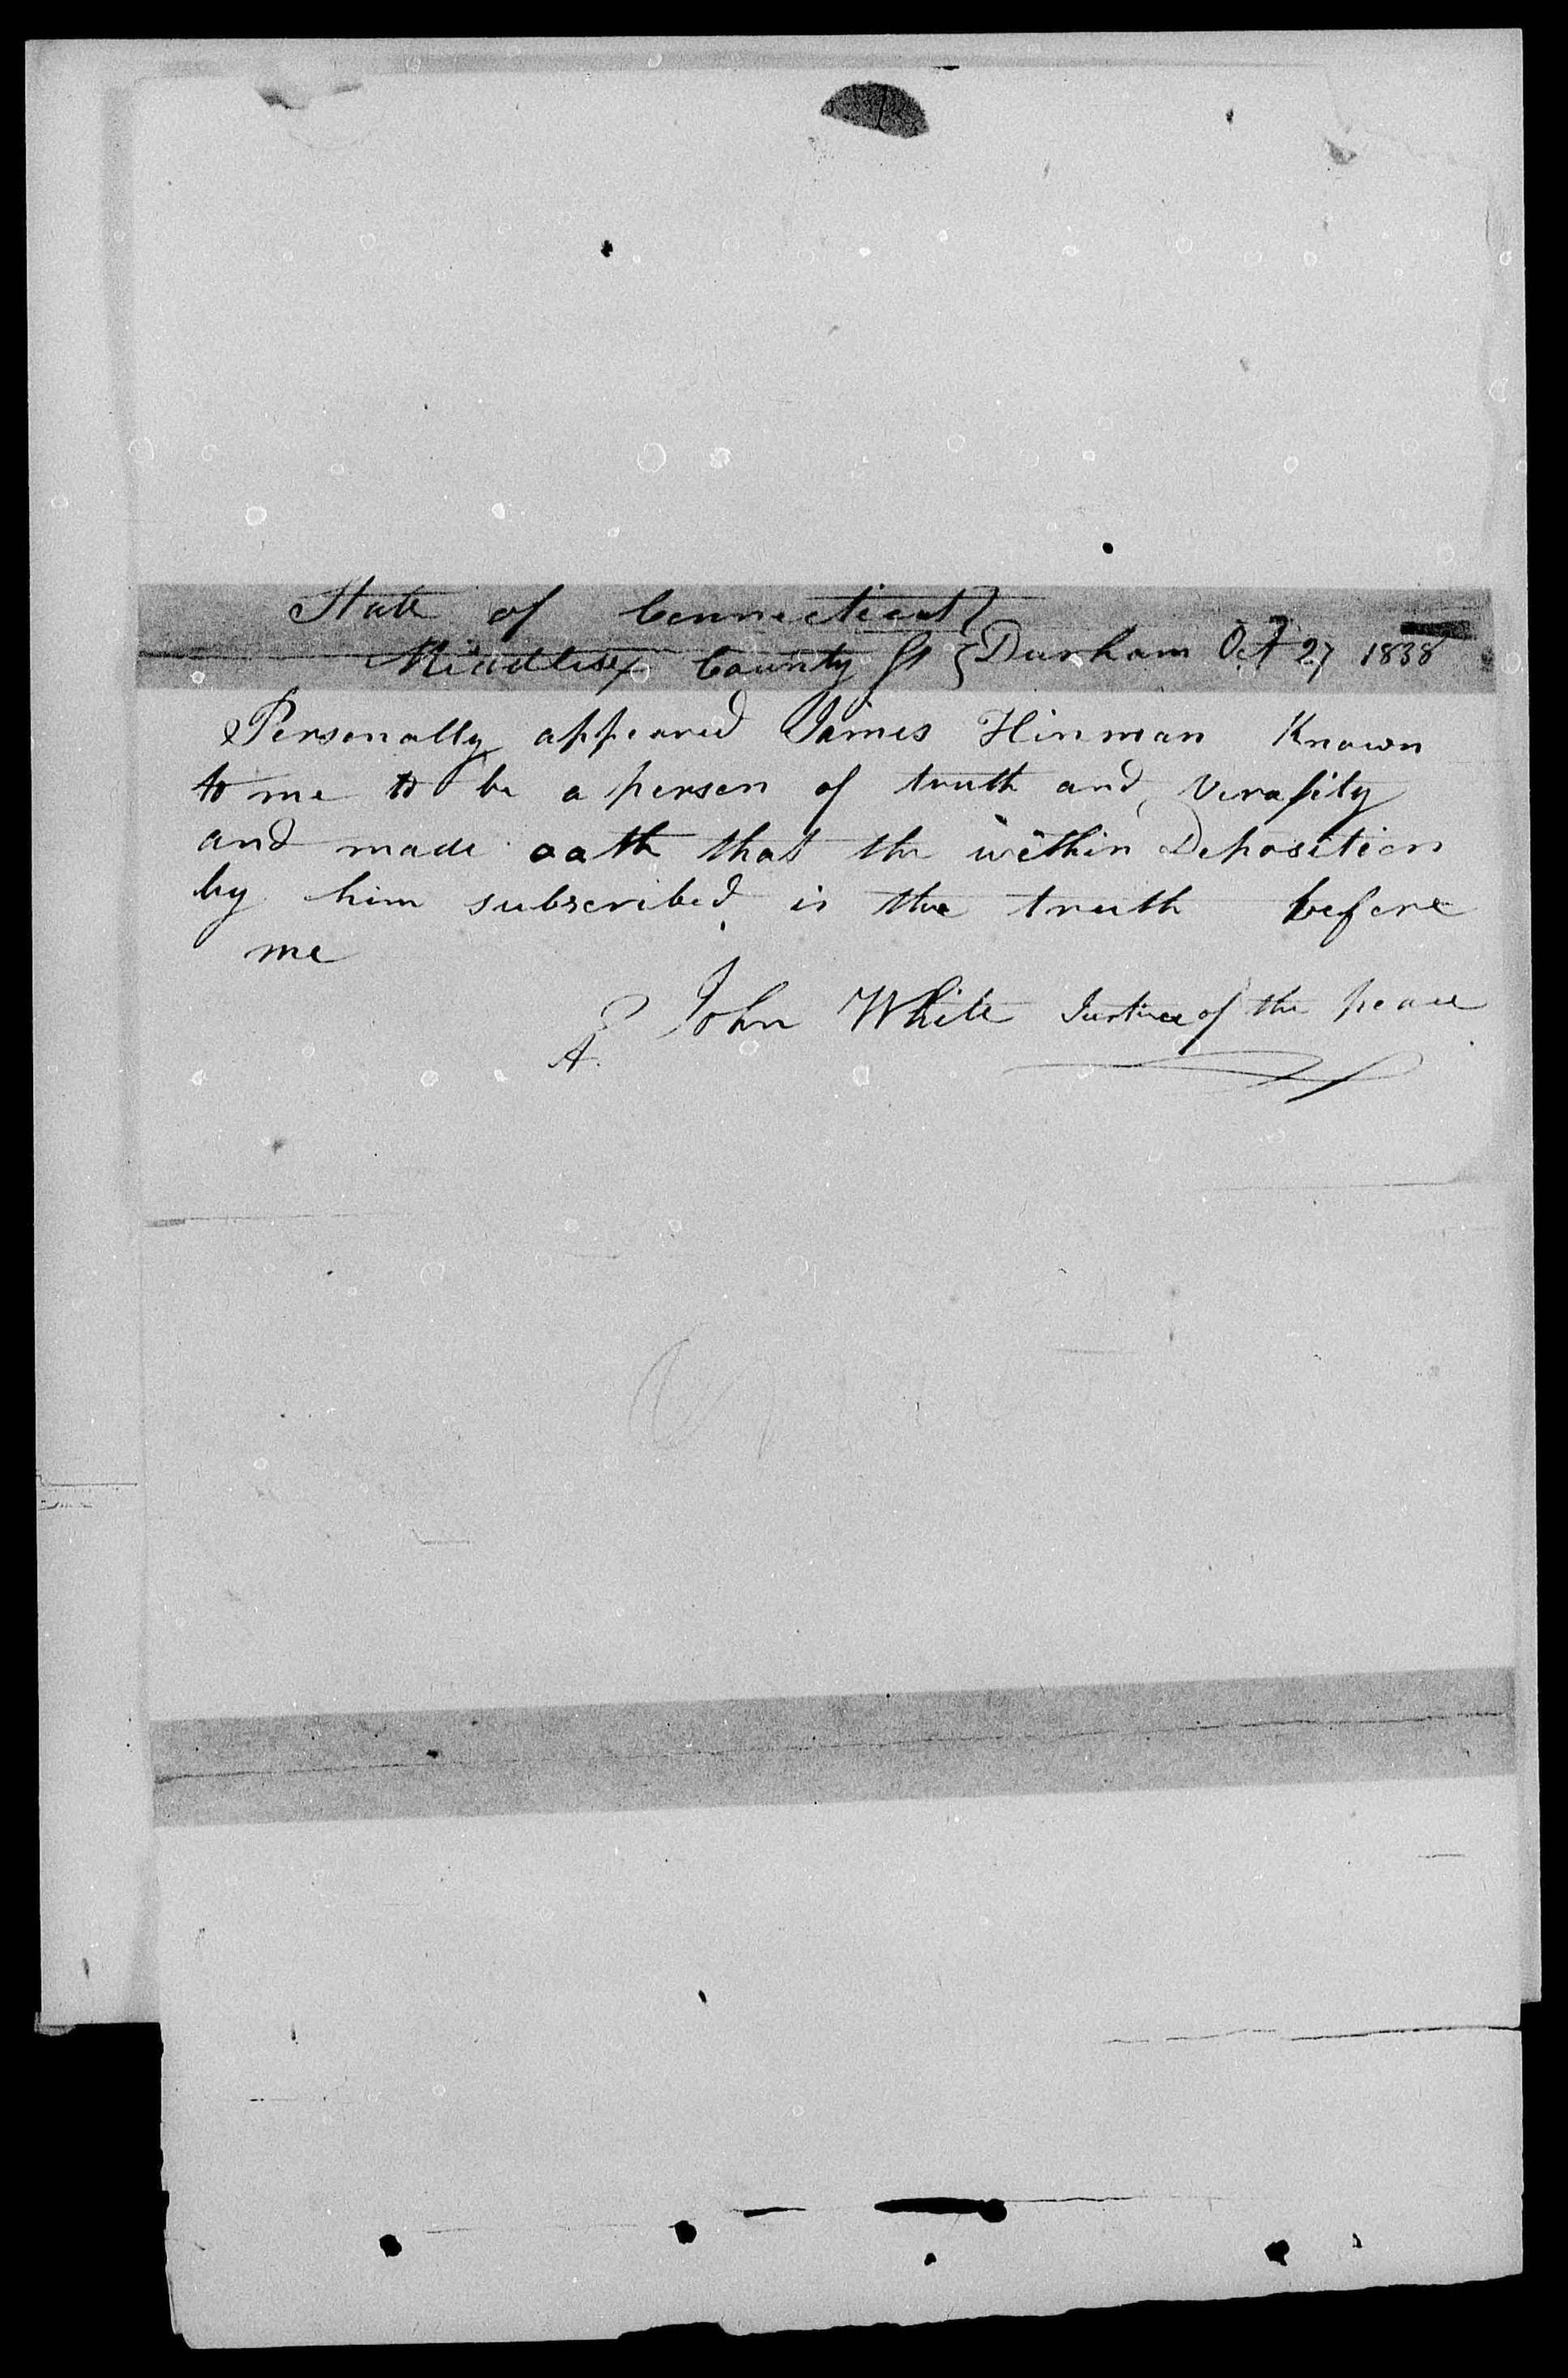State of Connecticut
Middlesex County ss Durham Oct 27 1838

Personally appeared James Hinman known to me to be a person of truth and verasity and made oath that the within Deposition by him subscribed is the truth before me

John White  Justice of the Peace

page: 10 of 47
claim: widow's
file: W. 17879, for Seth Strong, Connecticut